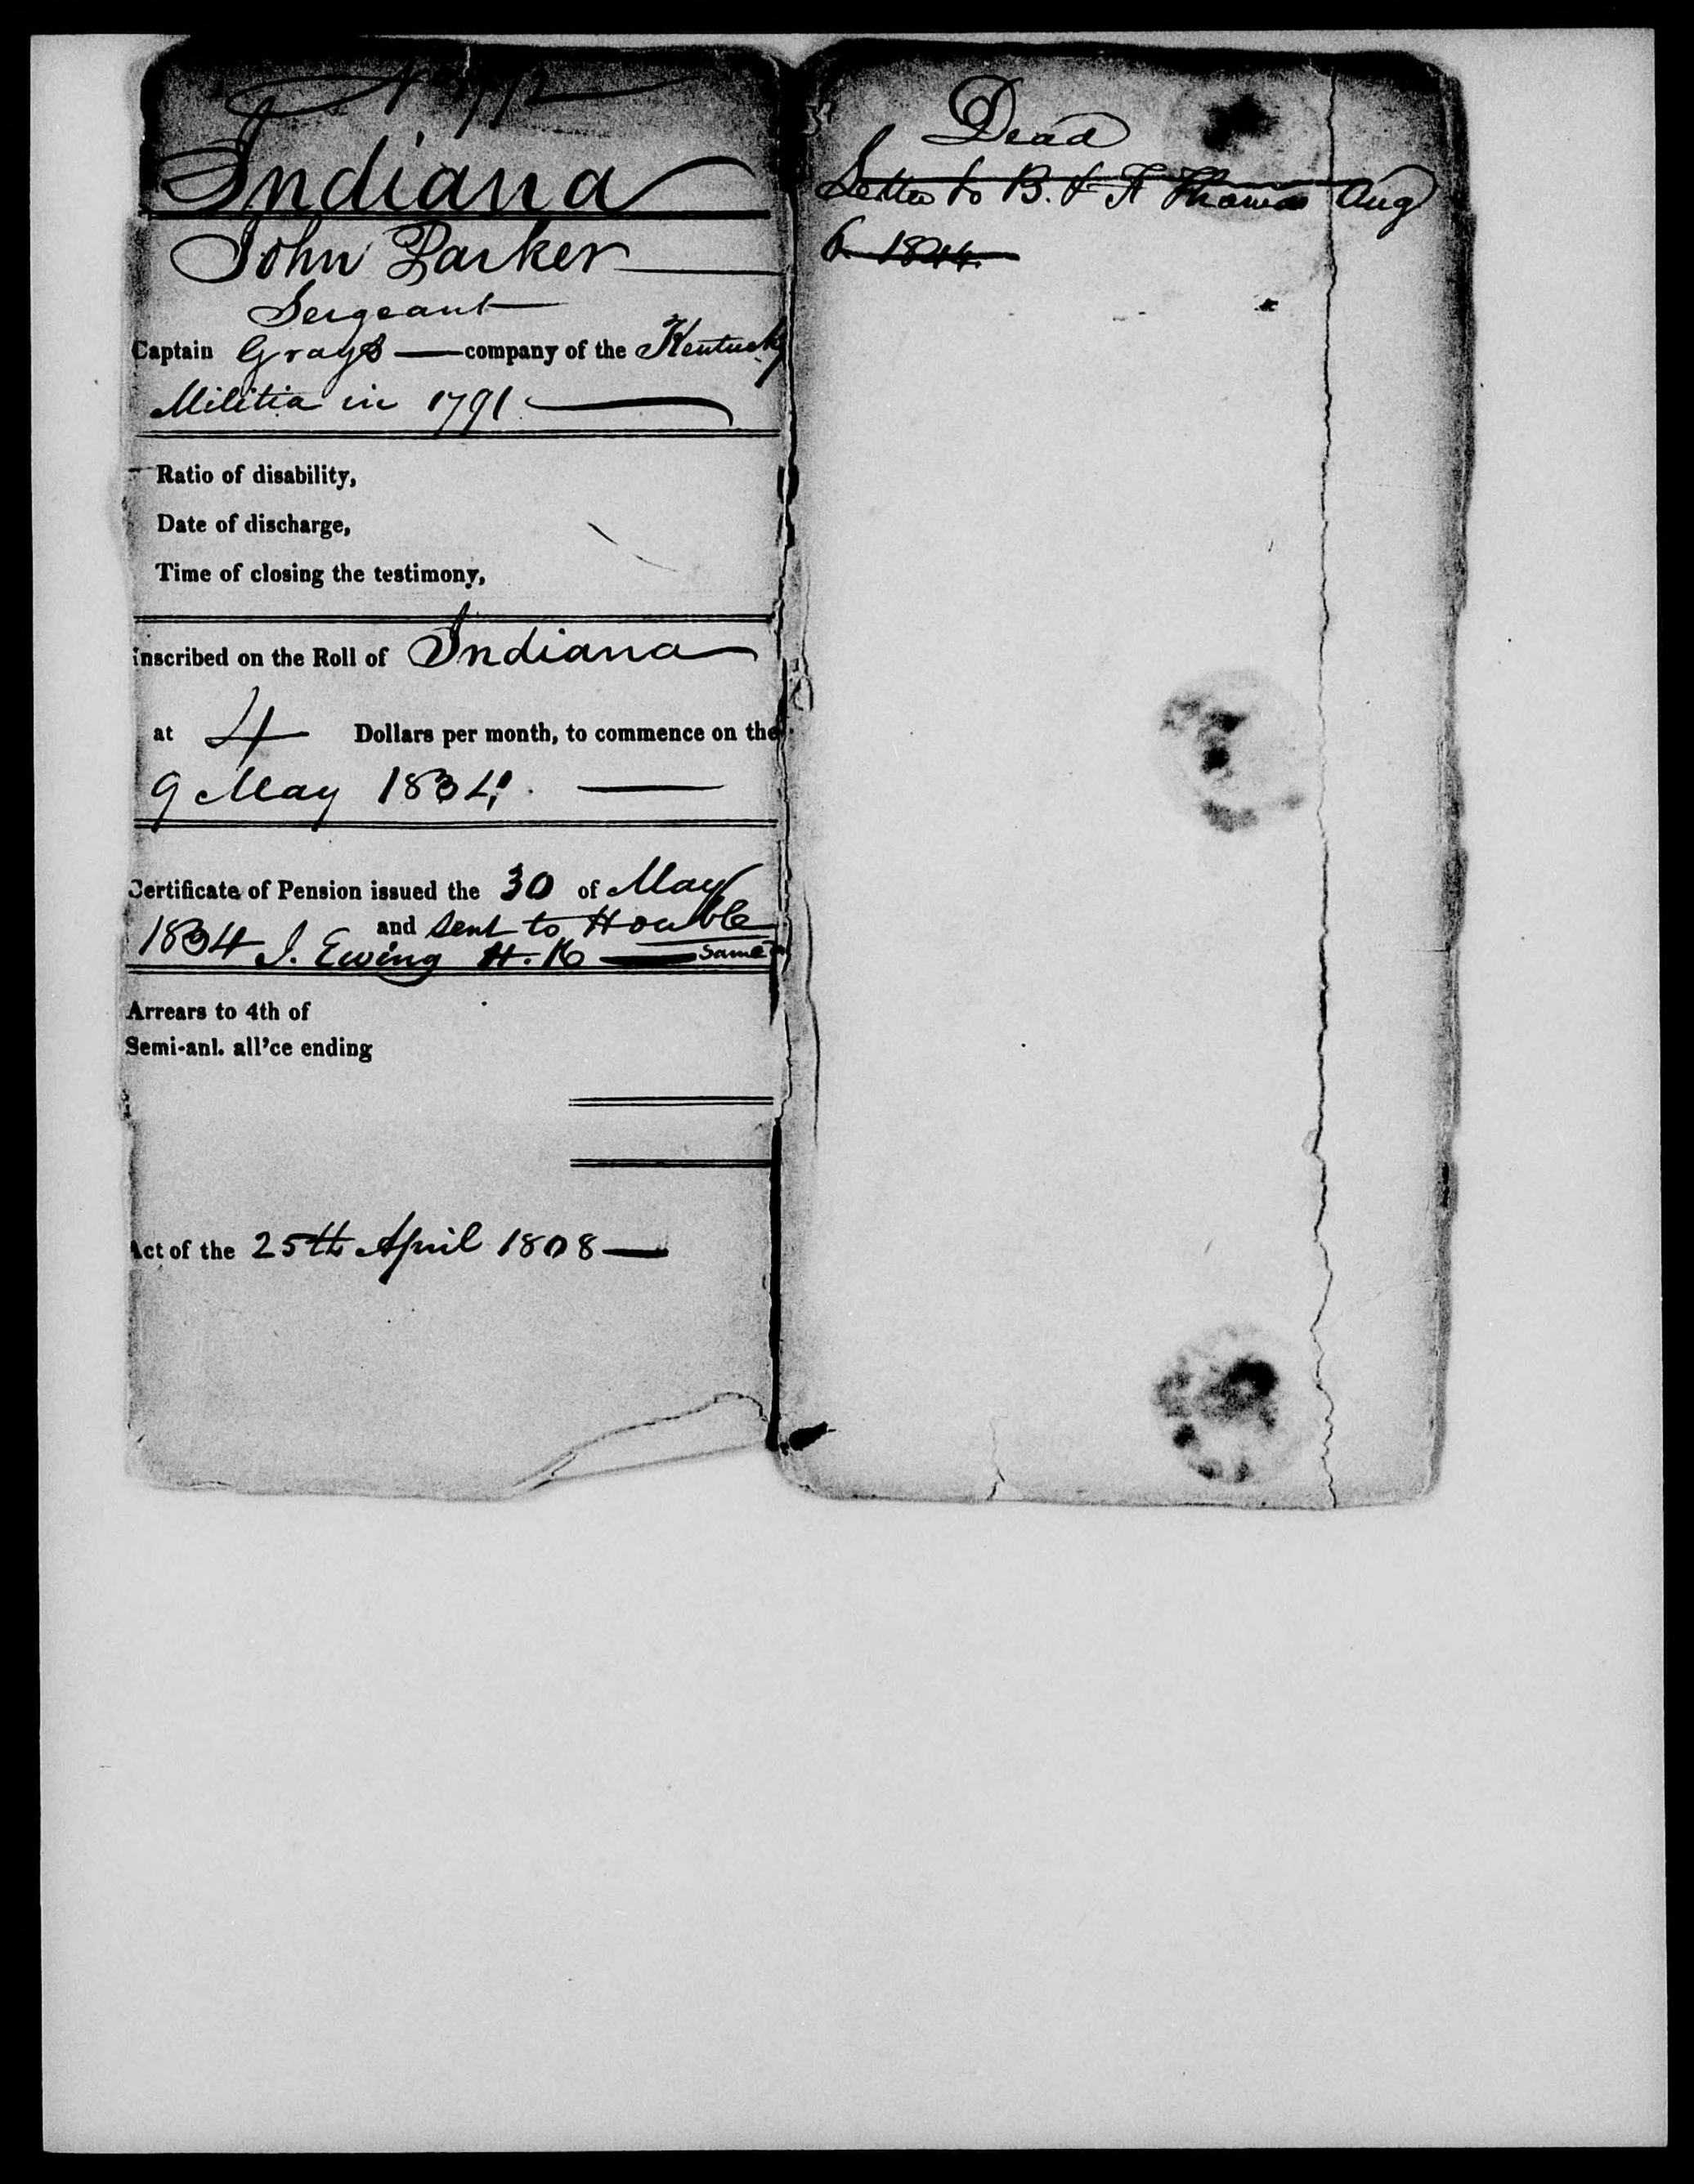Indiana

John Parker

Sergeant

Captain Grayo ---- company of the Kentucky Militia in 1791 ----

Ratio of disability,

Date of discharge,

Time of closing the testimony,

Inscribed on the Roll of Indiana at 4 Dollars per month, to commence on the 9 May 1834. ----

Certificate of Pension issued the 30 of May 1834 and sent to Houble J. Ewing H. /O same

Arrears to 4th of Semi-anl. al'ce ending

Act of the 25th Apri 1808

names: John Parker; J Ewing; B Thomas; F Thomas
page: 2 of 21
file: Old War Inv. File 26332, for John Parker, Other